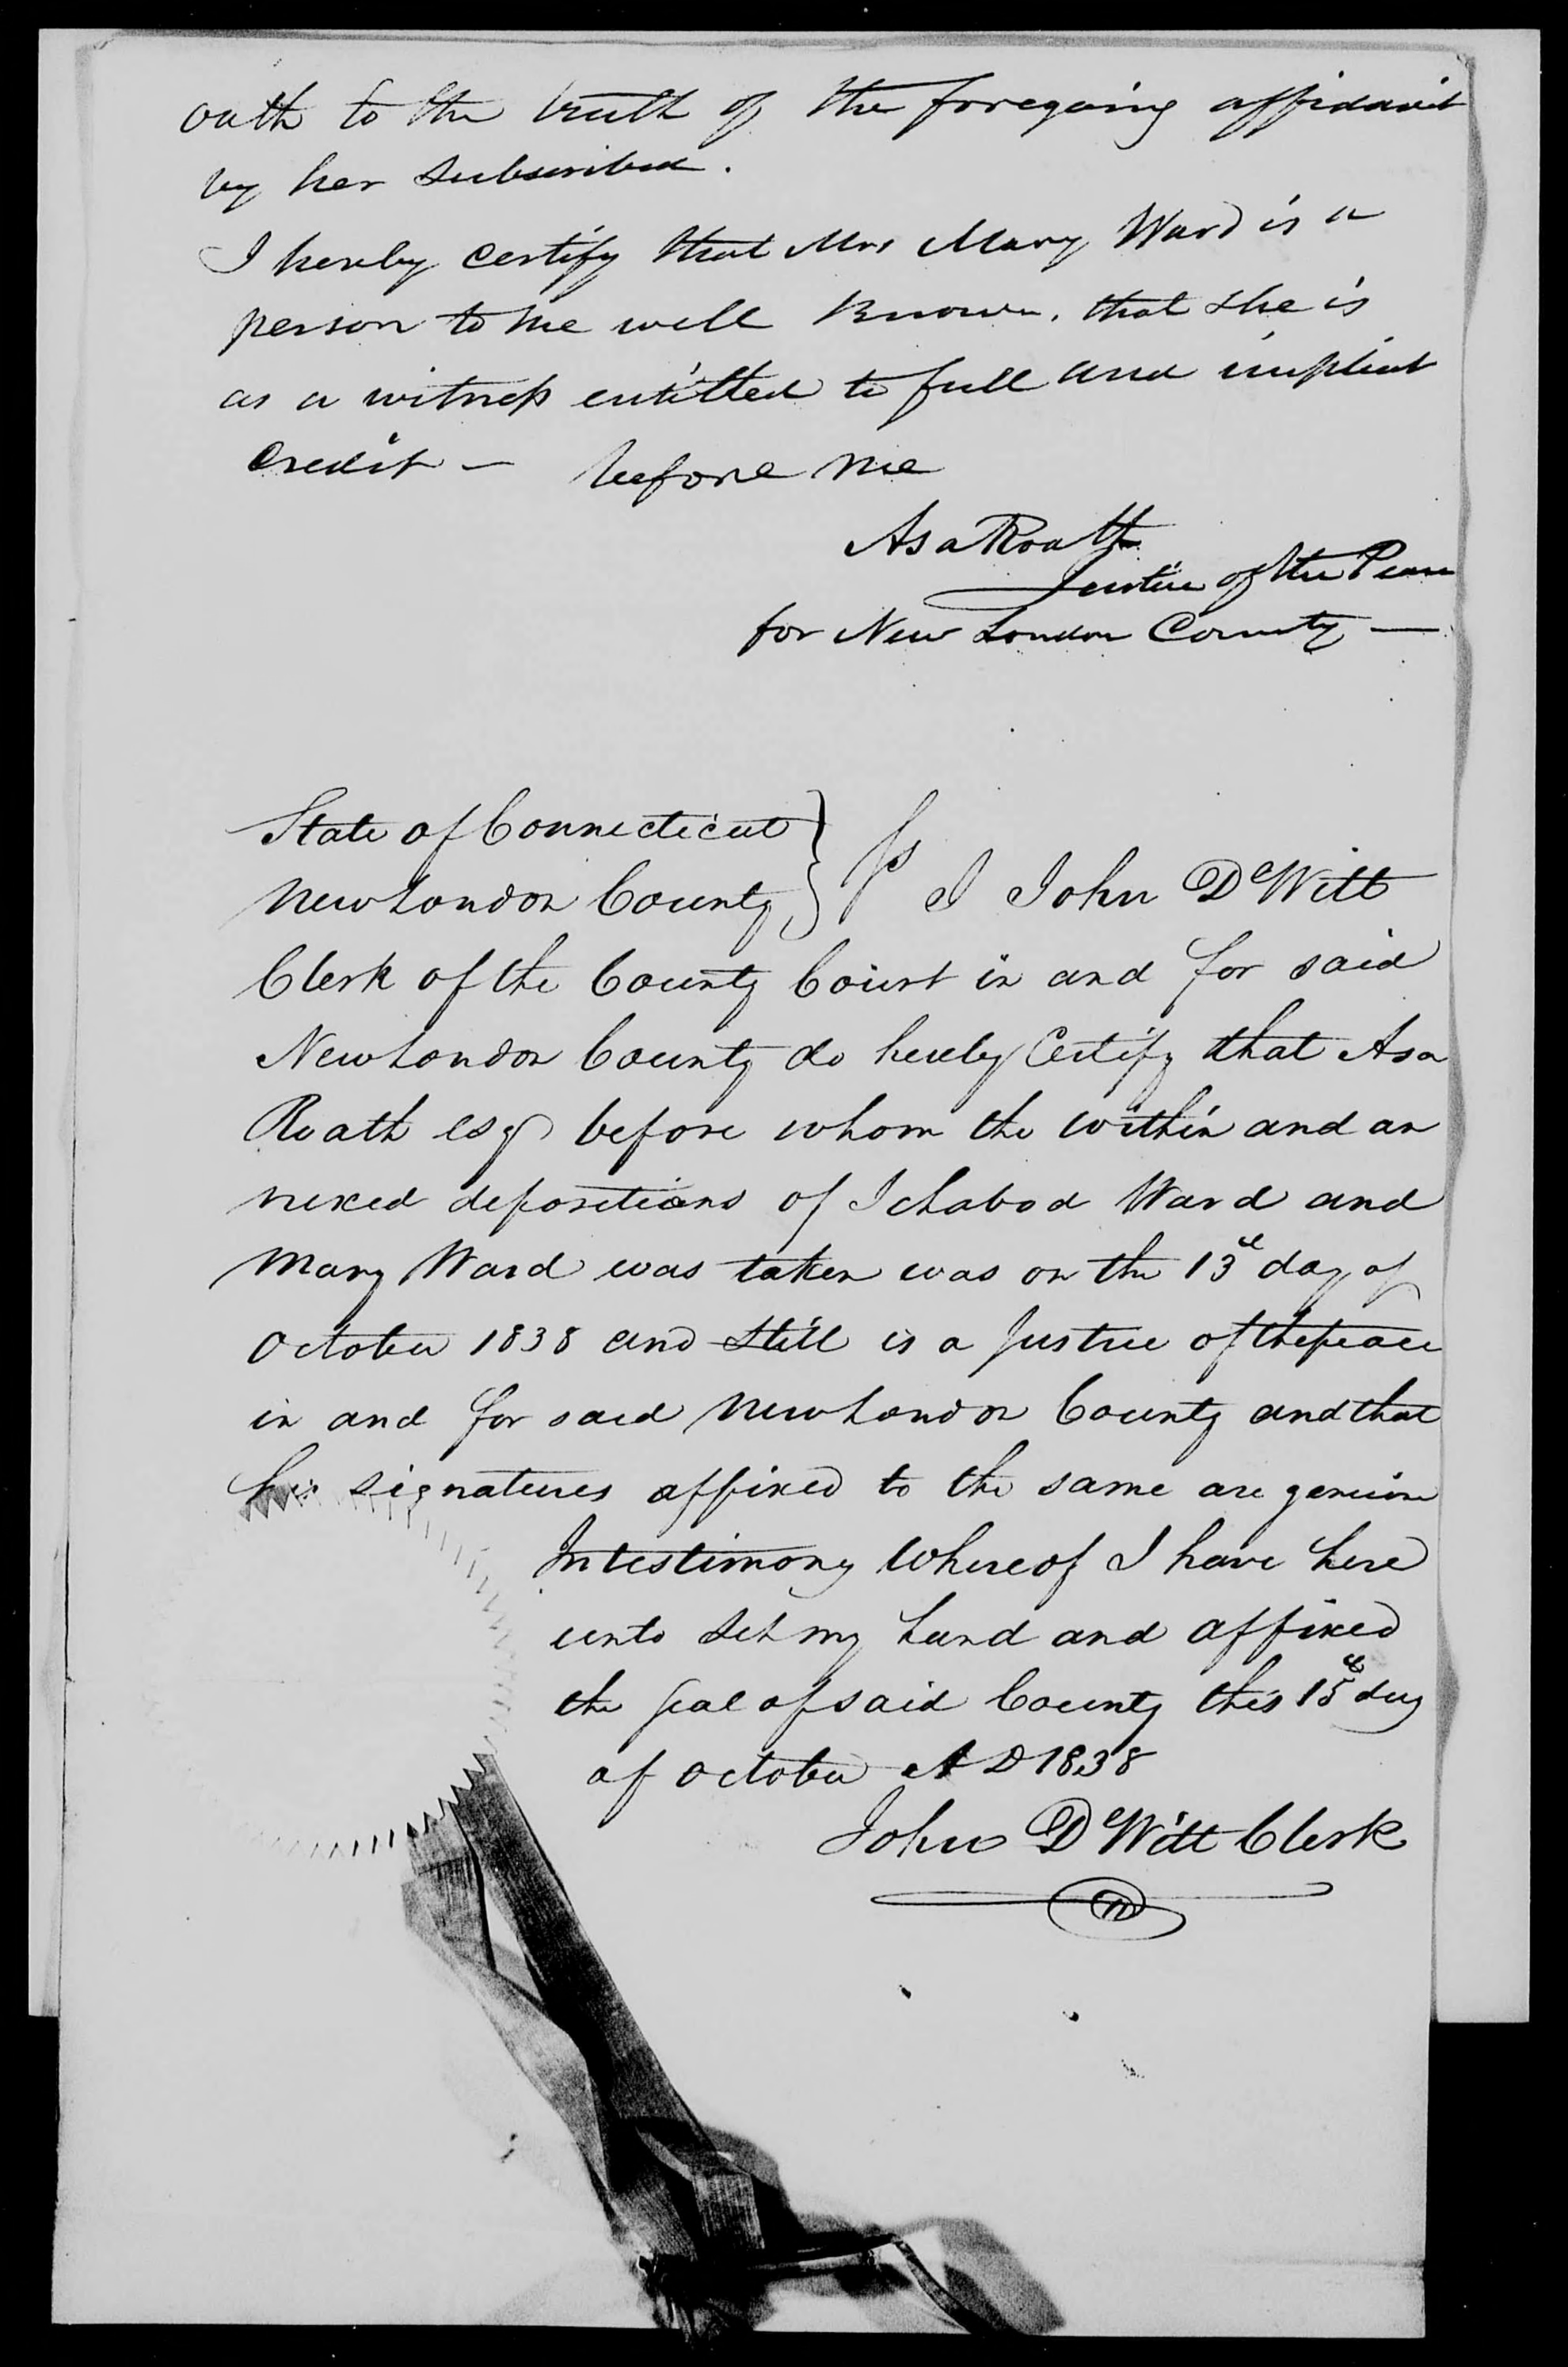oath to the truth of the foregoing affidavit by her subscribed.
I hereby certify that Mrs. Mary Ward is a person to me well known that she is as a witness entitled to full and implicit credit - 
Before me
Asa Roath
Justice of the Peace for New London County

State of Connecticut
New London County Ss.
I John D Witt Clerk of the County Court in and for said New London County do hereby certify that Asa Roath Esq before whom the within and annexed depositions of Ichabod Ward and Mary Ward was taken was on the 13th day of October 1838 and still is a Justice of the peace in and for said New London County and that his signatures affixed to the same are genuine 
In testimony whereof I have hereunto set my hand and affixed the seal of said County this 15th day of October AD 1838
John D Witt Clerk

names: Mary Ward; Ichabod Ward; John De Witt; Asa Roath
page: 16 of 27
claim: widow's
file: W. 24,500, for James Leach, Connecticut